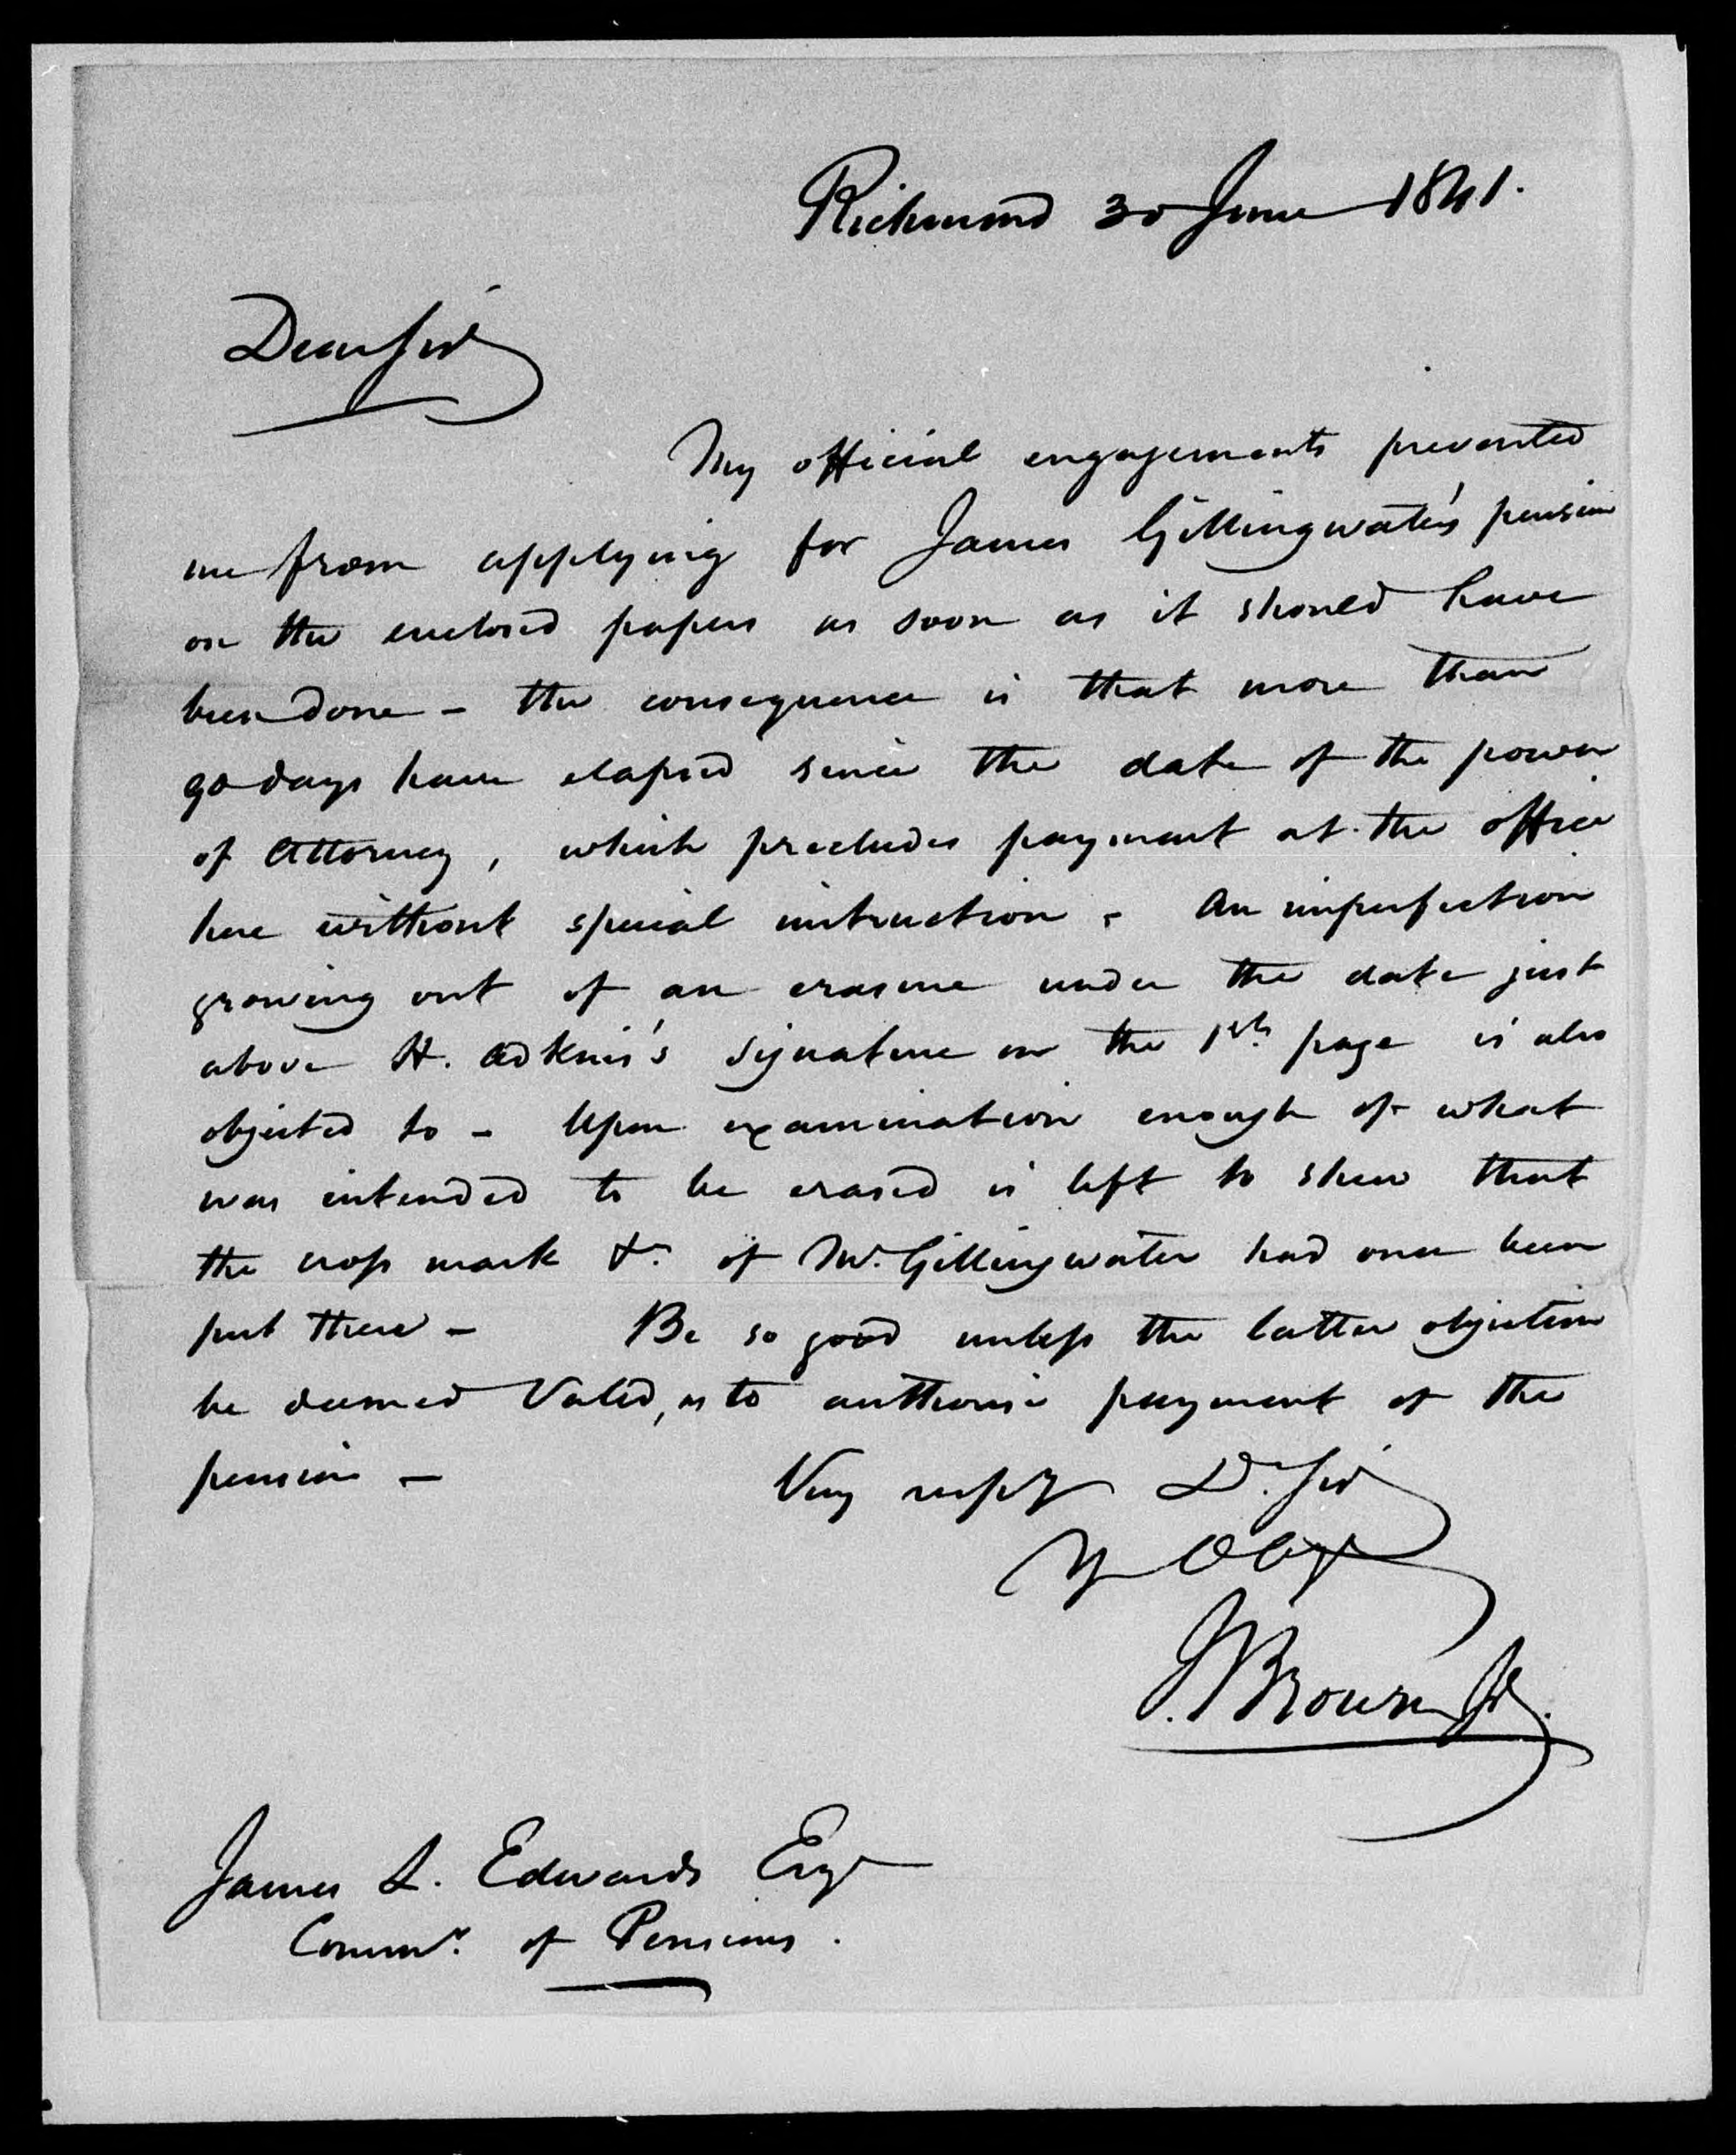Richmond 30 June 1841

Dear Sirs

My official engagements prevented me from applying for James Gillingwater's pension on the enclosed papers as soon as it should have 
been done - the consequence is that more than 90 days have elapsed since the date of the power of Attorney, which precludes payment at the office here without special instruction. An imperfection growing out of an erasure under the date just above H. Adkins's signature on the 1st page is also objected to - Upon examination enough of what was intended to be erased is left to shew that the crop mark +. of M. Gillingwater had once been put there - Be so good unless the latter objection be deemed Valid as to authorise payment of the pension.

Very [
my D. for
by

James L. Edwards Esq
Comm. of Pensions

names: Gillingwater, James Gillingwater, H Adkins, James L Edwards, J Brown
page: 30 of 36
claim: survivor's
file: S. 39570, James Gillingwater, Va.